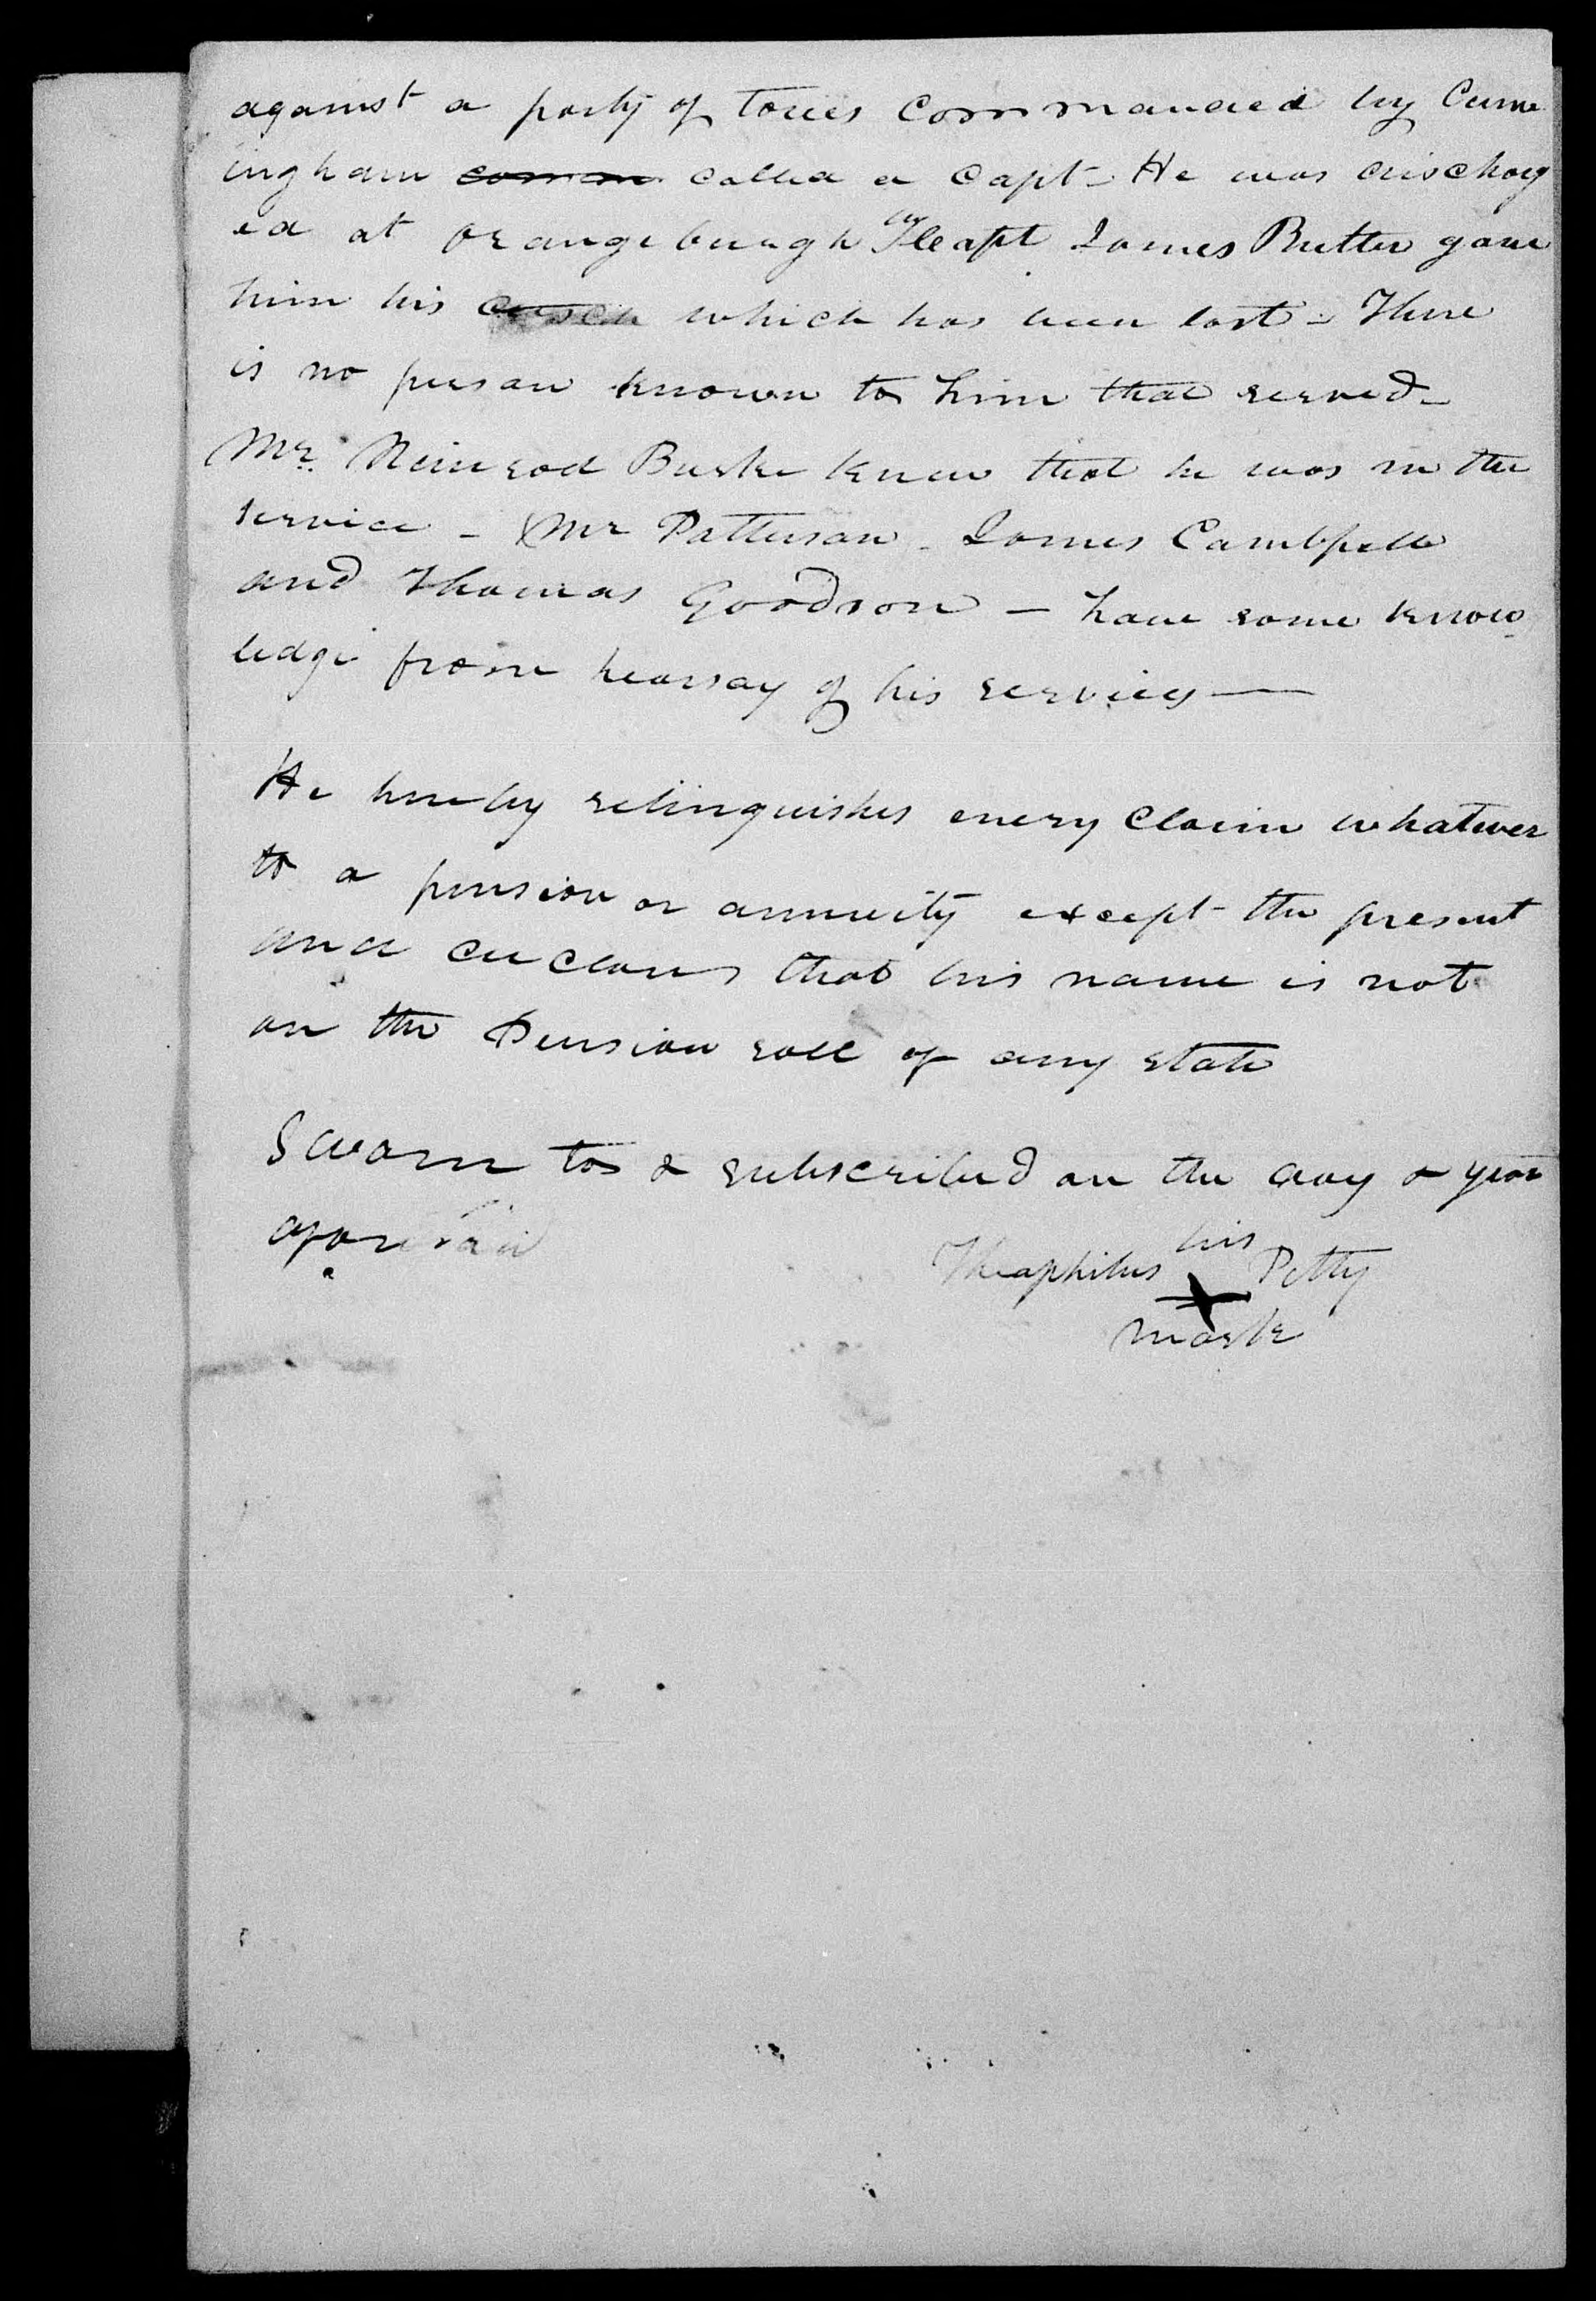against a party of tories commanded by Cunningham called a capt He was discharged at Orangeburg by capt James Butler gave him his disch [discharge] which has been lost There is no person known to him that served Mr Nimrod Burke knew that he was in the service Mr Patteran James Cambpell and Thomas Goodson have some knowledge from hearsay of his services
He hereby relinquishes every claim whatever to a pension or annuity except the present and concur that his name is not on the pension roll of any state
sworn to & subscribed on the day & year aforesaid Theophilus Petty
his X mark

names: Nimrod Burke; [BLANK] Patterson; Thomas Goodson; James Campbell; James Butler; Theophilus Petty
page: 8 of 26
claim: rejected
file: R. 8,161, for Theophilus Petty, South Carolina